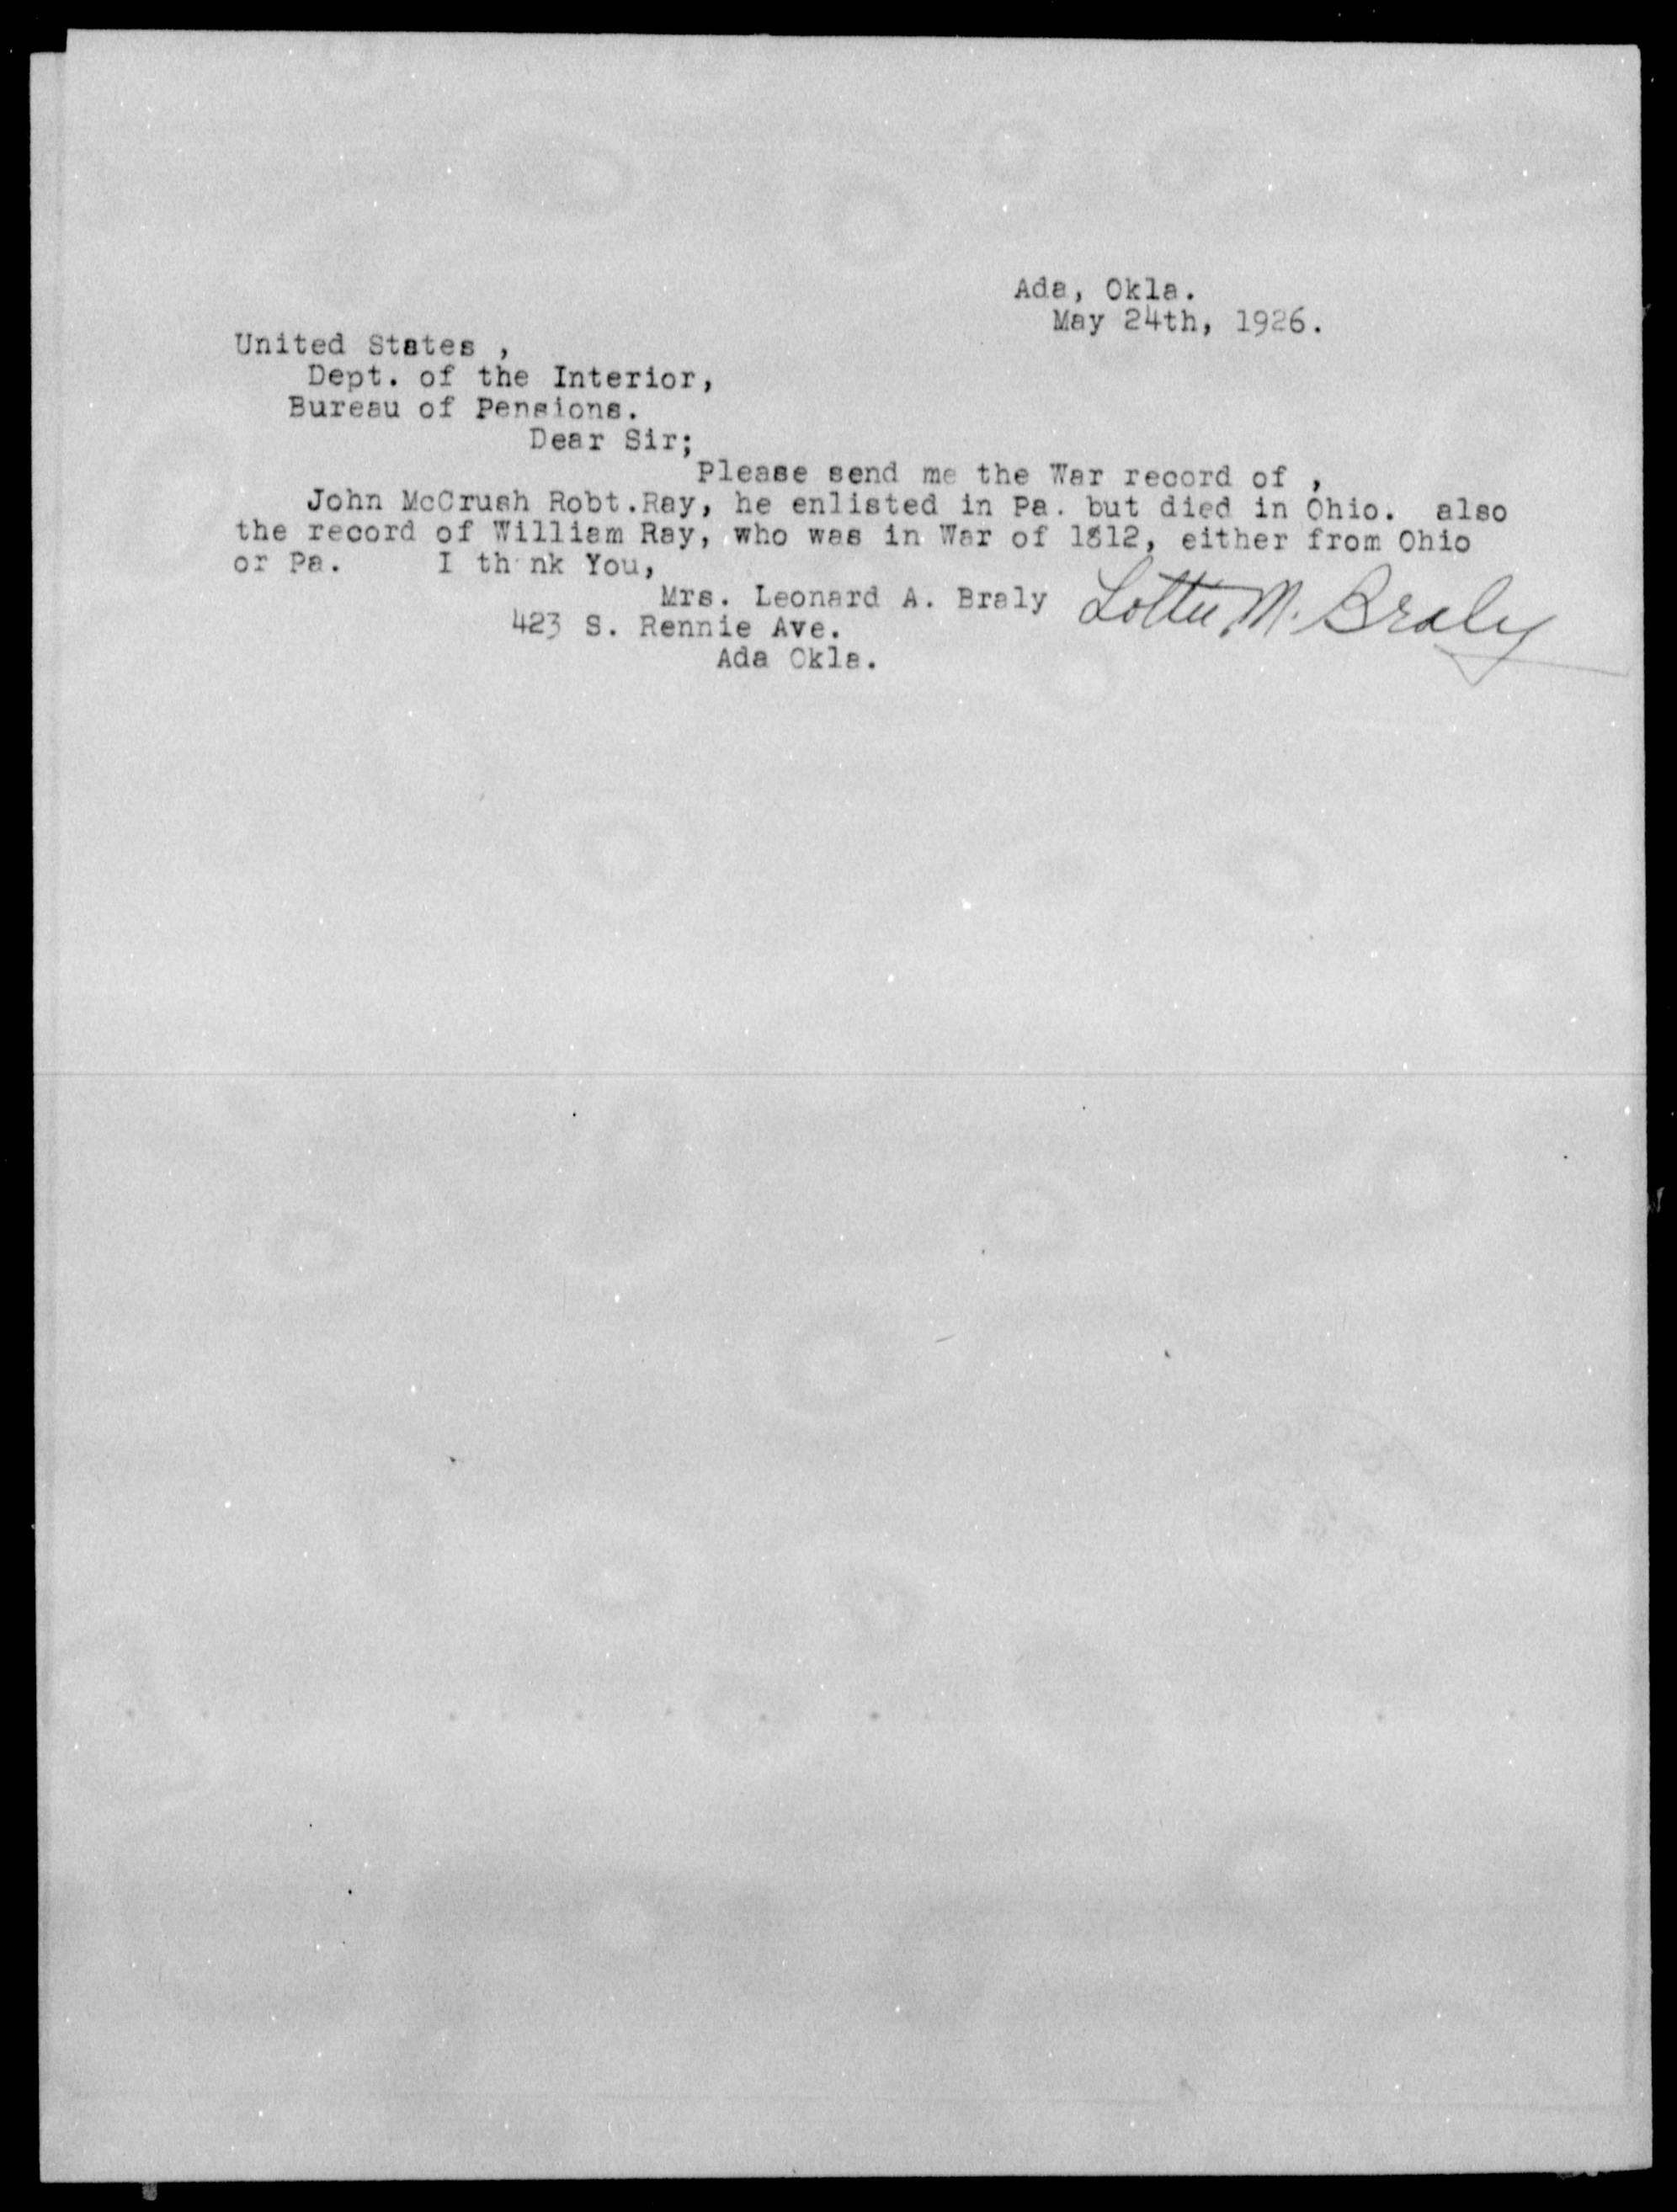Ada, Okla.
May 24th, 1926.
United States,
Dept. of the Interior,
Bureau of Pensions,
Dear Sir:
Please send me the War record of ,
John McCrush Robt. Ray, he enlisted in Pa. but died in Ohio. also
the record of William Ray, who was in War of 1812, either from Ohio
or Pa. I thank you,
Mrs. Leonard A. Braly 
Lottie M. Braly
423 S. Rennie Ave.
Ada Okla.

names: John Mc Crush; Robt Ray; William Ray; Lottie M Braly; Leonard A Braly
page: 20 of 20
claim: survivor's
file: S. 40,990, for John Mc Cush Robert Ray, Pennsylvania